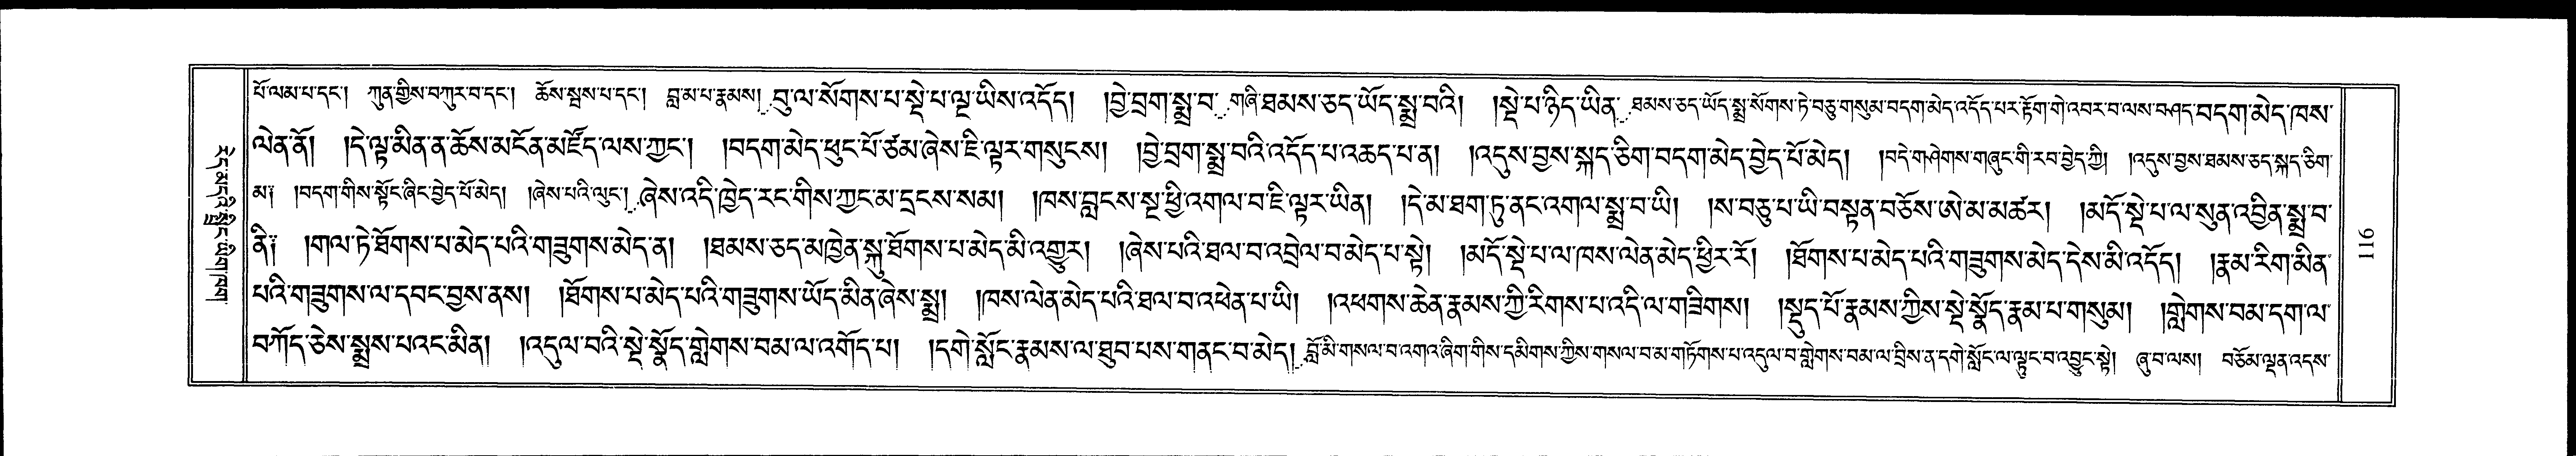པོ་ལམ་པ་དང་། ཀུན་གྱིས་བཀུར་བ་དང་། ཆོས་སྦས་པ་དང་། བླ་མ་པ་རྣམས། བུ་ལ་སོགས་པ་སྡེ་པ་ལྔ་ཡིས་འདོད། །བྱེ་བྲག་སྨྲ་བ་གཞི་ཐམས་ཅད་ཡོད་སྨྲ་བའི། །སྡེ་པ་ཉིད་ཡིན་ཐམས་ཅད་ཡོད་སྨྲ་སོགས་ཏེ་བཅུ་གསུམ་བདག་མེད་འདོད་པར་རྟོག་གེ་འབར་བ་ལས་བཤད་བདག་མེད་ཁས་
ལེན་ནོ། །དེ་ལྟ་མིན་ན་ཆོས་མངོན་མཛོད་ལས་ཀྱང་། །བདག་མེད་ཕུང་པོ་ཙམ་ཞེས་ཇི་ལྟར་གསུངས། །བྱེ་བྲག་སྨྲ་བའི་འདོད་པ་འཆད་པ་ན། །འདུས་བྱས་སྐད་ཅིག་བདག་མེད་བྱེད་པོ་མེད། །བདེ་གཤེགས་གཞུང་གི་རབ་བྱེད་ཀྱི། །འདུས་བྱས་ཐམས་ཅད་སྐད་ཅིག་
མ། །བདག་གིས་སྟོང་ཞིང་བྱེད་པོ་མེད། །ཞེས་པའི་ལུང་། ཞེས་འདི་ཁྱེད་རང་གིས་ཀྱང་མ་དྲངས་སམ། །ཁས་བླངས་སྔ་ཕྱི་འགལ་བ་ཇི་ལྟར་ཡིན། །དེ་མ་ཐག་ཏུ་ནང་འགལ་སྨྲ་བ་ཡི། །ས་བཅུ་པ་ཡི་བསྟན་བཅོས་ཨེ་མ་མཚར། །མདོ་སྡེ་པ་ལ་སུན་འབྱིན་སྨྲ་བ་
ནི། །གལ་ཏེ་ཐོགས་པ་མེད་པའི་གཟུགས་མེད་ན། །ཐམས་ཅད་མཁྱེན་སྐུ་ཐོགས་པ་མེད་མི་འགྱུར། །ཞེས་པའི་ཐལ་བ་འབྲེལ་བ་མེད་པ་སྟེ། །མདོ་སྡེ་པ་ལ་ཁས་ལེན་མེད་ཕྱིར་རོ། །ཐོགས་པ་མེད་པའི་གཟུགས་མེད་དེས་མི་འདོད། །རྣམ་རིག་མིན་
པའི་གཟུགས་ལ་དབང་བྱས་ནས། །ཐོགས་པ་མེད་པའི་གཟུགས་ཡོད་མིན་ཞེས་སྨྲ། །ཁས་ལེན་མེད་པའི་ཐལ་བ་འཕེན་པ་ཡི། །འཕགས་ཆེན་རྣམས་ཀྱི་རིགས་པ་འདི་ལ་གཟིགས། །སྡུད་པོ་རྣམས་ཀྱིས་སྡེ་སྣོད་རྣམ་པ་གསུམ། །གླེགས་བམ་དག་ལ་
བཀོད་ཅེས་སྨྲས་པའང་མིན། །འདུལ་བའི་སྡེ་སྣོད་གླེགས་བམ་ལ་འགོད་པ། །དགེ་སློང་རྣམས་ལ་ཐུབ་པས་གནང་བ་མེད། །བློ་མི་གསལ་བ་འགའ་ཞིག་གིས་དམིགས་ཀྱིས་གསལ་བ་མ་གཏོགས་པ་འདུལ་བ་གླེགས་བམ་ལ་བྲིས་ན་དགེ་སློང་ལ་ལྟུང་བ་འབྱུང་སྟེ། ཞུ་བ་ལས། བཅོམ་ལྡན་འདས་